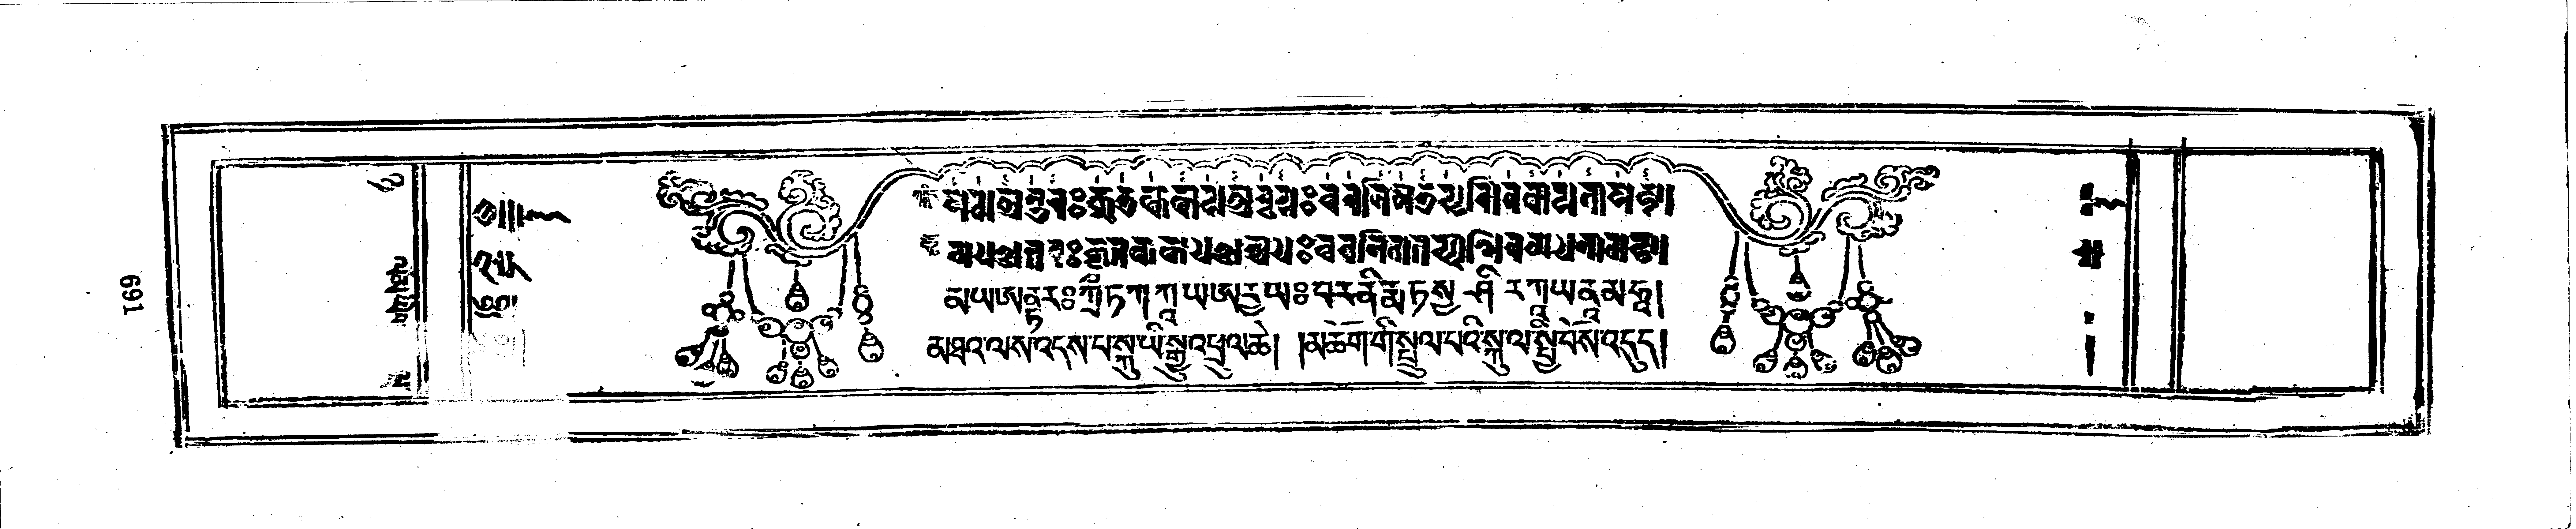༄༅། །མཡཨནྟརཿཀྲྀཏཀཀཱཡཨརྱཡཿབར་ནི་རྨ་ཏསྱཤིར་ཀཱཡནཱམཧཱ།
༄༅། །མཐའ་ལས་འདས་པ་སྐུ་ཡི་སྒྱུ་འཕྲུལ་ཆེ། །མཆོག་གི་སྤྲུལ་པའི་སྐུ་ལ་སྤྱི་བོས་འདུད། །